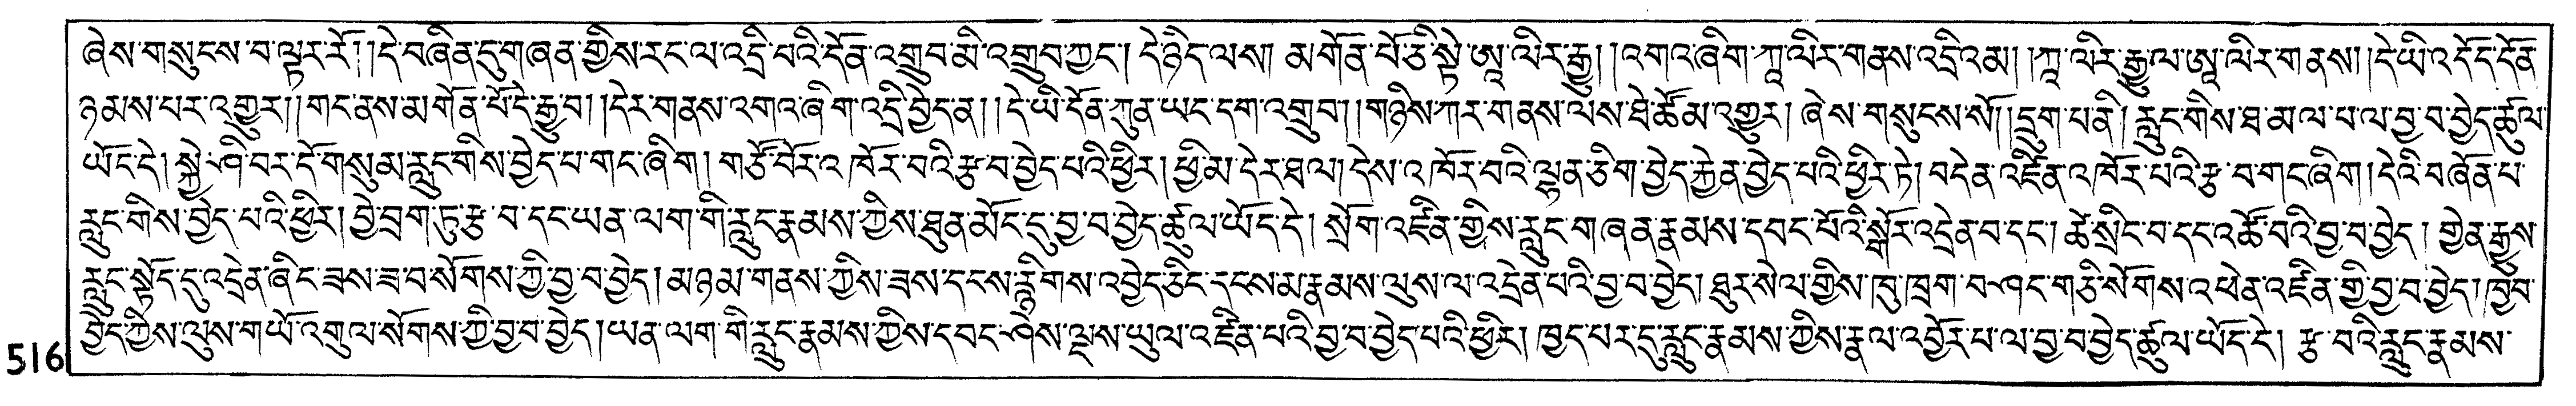ཞེས་གསུངས་བ་ལྟར་རོ། །དེ་བཞིན་དུ་གཞན་གྱིས་རང་ལ་འདྲི་པའི་དོན་འགྲུབ་མི་འགྲུབ་ཀྱང་། དེ་ཉིད་ལས། མགོན་པོ་ཅི་སྟེ་ཨཱ་ལིར་རྒྱུ། །འགའ་ཞིག་ཀཱ་ལིར་གནས་འདྲི་འམ། །ཀཱ་ལིར་རྒྱུ་ལ་ཨཱ་ལིར་གནས། །དེ་ཡི་འདོད་དོན་
ཉམས་པར་འགྱུར། །གང་ནས་མགོན་པོ་དེ་རྒྱུ་བ། །དེར་གནས་འགའ་ཞིག་འདྲི་བྱེད་ན། །དེ་ཡི་དོན་ཀུན་ཡང་དག་འགྲུབ། །གཉིས་ཀར་གནས་ལས་ཐེ་ཚོམ་འགྱུར། ཞེས་གསུངས་སོ། །དྲུག་པ་ནི། རླུང་གིས་ཐ་མལ་པ་ལ་བྱ་བ་བྱེད་ཚུལ་
ཡོད་དེ། སྐྱེ་ཤི་བར་དོ་གསུམ་རླུང་གིས་བྱེད་པ་གང་ཞིག །གཙོ་བོར་འཁོར་བའི་རྩ་བ་བྱེད་པའི་ཕྱིར། ཕྱི་མ་དེར་ཐལ། དེས་འཁོར་བའི་ལྷན་ཅིག་བྱེད་རྐྱེན་བྱེད་པའི་ཕྱིར་ཏེ། བདེན་འཛིན་འཁོར་པའི་རྩ་བ་གང་ཞིག །དེའི་བཞོན་པ་
རླུང་གིས་བྱེད་པའི་ཕྱིར། བྱེ་བྲག་ཏུ་རྩ་བ་དང་ཡན་ལག་གི་རླུང་རྣམས་ཀྱིས་ཐུན་མོང་དུ་བྱ་བ་བྱེད་ཚུལ་ཡོད་དེ། སྲོག་འཛིན་གྱིས་རླུང་གཞན་རྣམས་དབང་པོའི་སྒོར་འདྲེན་བ་དང་། ཚེ་སྲིང་བ་དང་འཚོ་བའི་བྱ་བ་བྱེད། གྱེན་རྒྱུས་
རླུང་སྟོད་དུ་འདྲེན་ཞིང་ཟས་ཟ་བ་སོགས་ཀྱི་བྱ་བ་བྱེད། མཉམ་གནས་ཀྱིས་ཟས་དངས་རྙིགས་འབྱེད་ཅིང་དངས་མ་རྣམས་ལུས་ལ་འདྲེན་པའི་བྱ་བ་བྱེད། ཐུར་སེལ་གྱིས་ཁུ་ཁྲག་བཤང་གཅི་སོགས་འཕེན་འཛིན་གྱི་བྱ་བ་བྱེད། ཁྱབ་
བྱེད་ཀྱིས་ལུས་གཡོ་འགུལ་སོགས་ཀྱི་བྱ་བ་བྱེད། ཡན་ལག་གི་རླུང་རྣམས་ཀྱིས་དབང་ཤེས་ལྔས་ཡུལ་འཛིན་པའི་བྱ་བ་བྱེད་པའི་ཕྱིར། ཁྱད་པར་དུ་རླུང་རྣམས་ཀྱིས་རྣལ་འབྱོར་པ་ལ་བྱ་བ་བྱེད་ཚུལ་ཡོད་དེ། རྩ་བའི་རླུང་རྣམས་